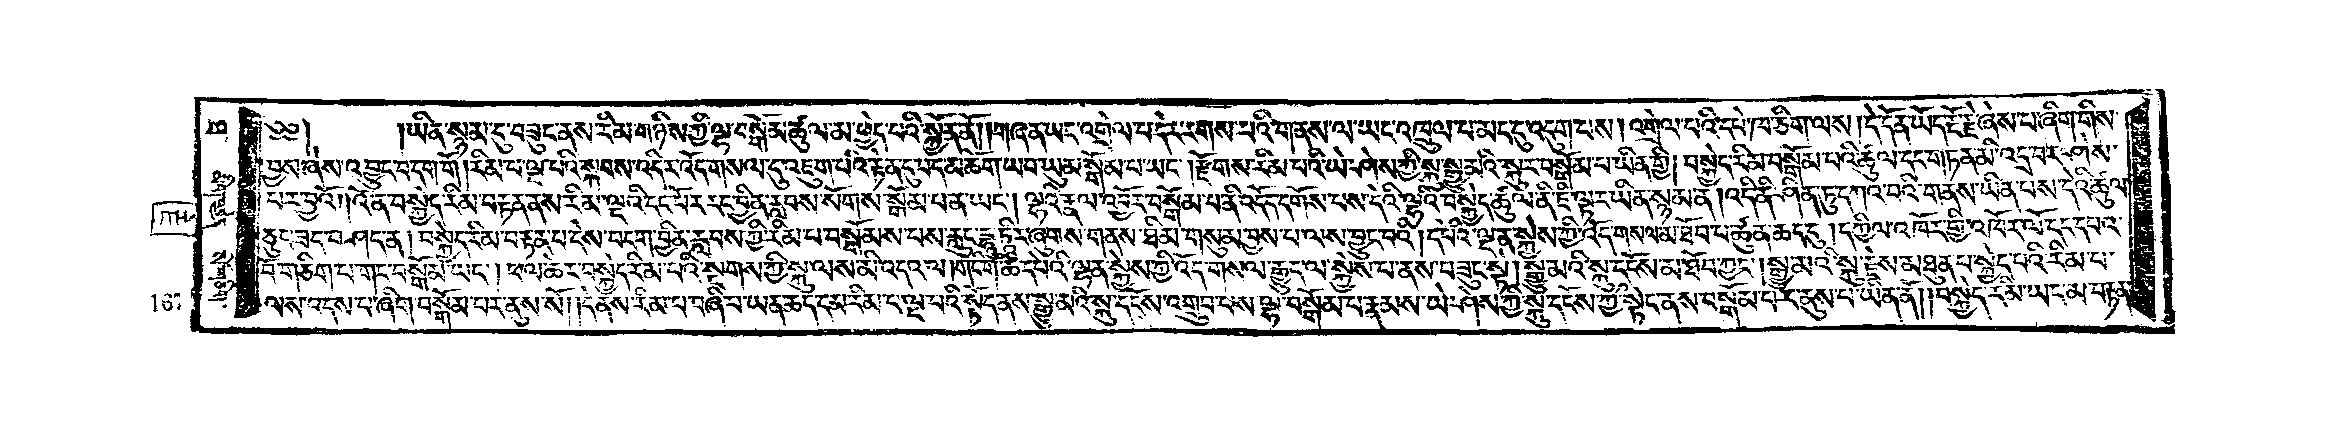༄༅། །ཡིན་སྙམ་དུ་བཟུང་ནས་རིམ་གཉིས་ཀྱི་ལྷ་བསྒོམ་ཚུལ་མ་ཕྱེད་པའི་སྐྱོན་ནོ། །གཞན་ཡང་འགྲེལ་པ་དེར་རགས་པའི་གནས་ལ་ཡང་འཁྲུལ་པ་མང་དུ་འདུག་པས། འགྲེལ་པའི་དཔེ་ཁ་ཅིག་ལས། དེ་དོན་ཡོད་རྡོ་རྗེ་ཞེས་པ་ཞིག་གིས་
བྱས་ཞེས་འབྱུང་བ་དག་གོ། རིམ་པ་ལྔ་པའི་སྐབས་འདིར་འོད་གསལ་དུ་འཇུག་པའི་རྟེན་དུ་བདེ་མཆོག་ཡབ་ཡུམ་སྒོམ་པ་ཡང་། རྫོགས་རིམ་པའི་ཡེ་ཤེས་ཀྱི་སྐུ་སྒྱུ་མའི་སྐུར་བསྒོམ་པ་ཡིན་གྱི། བསྐྱེད་རིམ་བསྒོམ་པའི་ཚུལ་དང་གཏན་མི་འདྲ་བར་ཤེས་
པར་བྱའོ། །འོ་ན་བསྐྱེད་རིམ་བརྟན་ནས་རིམ་ལྔའི་དང་པོར་རང་བྱིན་རླབས་སོགས་སྒོམ་པ་ན་ཡང་། ལྷའི་རྣལ་འབྱོར་བསྒོམ་པ་ནི་འདོད་དགོས་པས་དེའི་ལྷའི་བསྐྱེད་ཚུལ་ནི་ཇི་ལྟར་ཡིན་སྙམ་ན། འདི་ནི་ཤིན་ཏུ་དཀའ་བའི་གནས་ཡིན་པས་དེའི་ཚུལ་
ཅུང་ཟད་བཤད་ན། བསྐྱེད་རིམ་བརྟན་པ་དེས་བདག་བྱིན་རླབས་ཀྱི་རིམ་པ་བསྒོམས་པས་རླུང་དྷཱུ་ཏཱིར་ཞུགས་གནས་ཐིམ་གསུམ་བྱས་པ་ལས་བྱུང་བའི། དཔེའི་ལྷན་སྐྱེས་ཀྱི་འོད་གསལ་མ་ཐོབ་པ་ཚུན་ཆད་དུ། དཀྱིལ་འཁོར་གྱི་འཁོར་ལོ་དང་དཔའ་
བོ་གཅིག་པ་གང་བསྒོམ་ཡང་། ཕལ་ཆེར་བསྐྱེད་རིམ་པའི་སྔགས་ཀྱི་སྐུ་ལས་མི་འདའ་ལ། གང་གི་ཚེ་དཔེའི་ལྷན་སྐྱེས་ཀྱི་འོད་གསལ་རྒྱུད་ལ་སྐྱེས་པ་ནས་བཟུང་སྟེ། སྒྱུ་མའི་སྐུ་དངོས་མ་ཐོབ་ཀྱང་། སྒྱུ་མའི་སྐུ་རྗེས་མཐུན་པ་སྐྱེད་པའི་རིམ་པ་
ལས་འདས་པ་ཞིག་བསྒོམ་པར་ནུས་སོ། །དེ་ནས་རིམ་པ་བཞི་པ་ཡན་ཆད་དམ་རིམ་པ་ལྔ་པའི་སྟོད་ནས་སྒྱུ་མའི་སྐུ་དངོས་འགྲུབ་པས་ལྷ་བསྒོམ་པ་རྣམས་ཡེ་ཤེས་ཀྱི་སྐུ་དངོས་ཀྱི་སྟེང་ནས་བསྒོམ་པར་ནུས་པ་ཡིན་ནོ། །བསྐྱེད་རིམ་ཡང་མ་བརྟན་